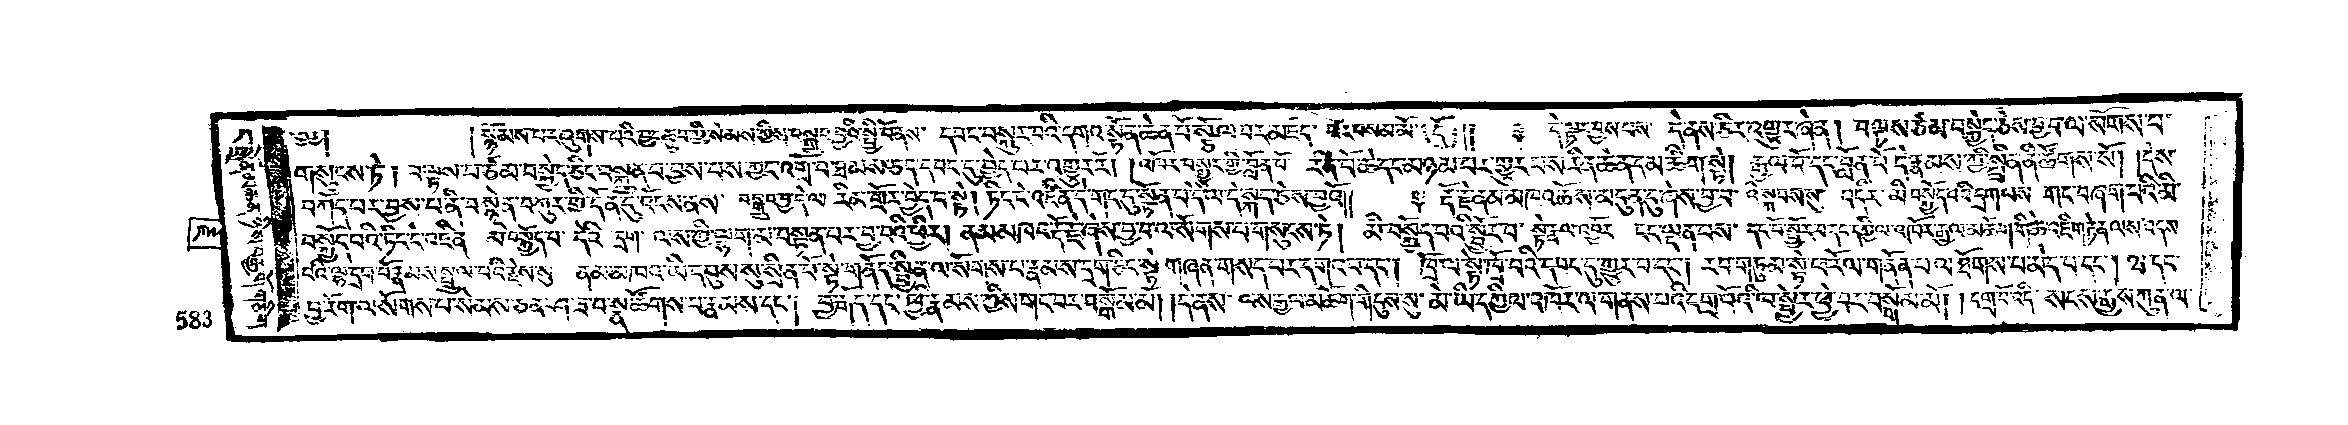༄༅། ། སྙོམས་པར་ཞུགས་པའི་བྱང་ཆུབ་ཀྱི་སེམས་ཀྱིས་བསྒྲུབ་བྱའི་སྤྱི་བོ་ནས་དབང་བསྐུར་བའི་དགའ་སྟོན་ཆེན་པོ་སྩོལ་བར་མཛད་པར་བསམ་མོ་དོ།། ༈ དེ་ལྟར་བྱས་པས་དེ་ནས་ཅིར་འགྱུར་ཞེ་ན། བལྟས་ཙམ་བསྐྱེད་ཅེས་བྱ་བ་ལ་སོགས་པ་
གསུངས་ཏེ། བལྟས་པ་ཙམ་བསྐྱེད་ཅིང་བསྐྲུན་པ་བྱས་པས་ཀྱང་འགྲོ་བ་ཐམས་ཅད་དབང་དུ་བྱེད་པར་འགྱུར་རོ། ། འཁོར་བསྒྱུར་གྱི་བློན་པོ་རིན་པོ་ཆེ་དང་མཉམ་པར་གྱུར་པས་རིན་ཆེན་དམ་ཚིག་སྟེ། རྒྱལ་པོ་དང་བློན་པོ་དེ་རྣམས་ཀྱི་སྤྲིན་ནི་ཚོགས་སོ། །དེས་
བཀོད་པར་བྱས་པ་ནི་བསྙེན་བཀུར་གྱི་དོན་དུ་འོངས་ནས་བསྒྲུབ་བྱ་དེ་ལ་རིམ་གྲོར་བྱེད་པ་སྟེ། ཏིང་ངེ་འཛིན་དེ་གང་དུ་སྟོན་པ་དེ་ལ་དེ་སྐད་ཅེས་བྱའོ།། ༈ རྡོ་རྗེ་ནམ་མཁའ་ཆོས་མདུན་དུ་ཞེས་བྱ་བའི་སྐབས་སུ་འདིར་མི་བསྐྱོད་པའི་དྲག་པས་གང་བཞག་པའི་མི་
བསྐྱོད་པའི་ཏིང་ངེ་འཛིན་མི་བསྐྱོད་པ་དེའི་དྲག་ལས་ཀྱི་ལྷག་མ་བསྟན་པར་བྱ་བའི་ཕྱིར། ནམ་མཁའ་རྡོ་རྗེ་ཞེས་བྱ་བ་ལ་སོགས་པ་གསུངས་ཏེ། མི་བསྐྱོད་པའི་སྦྱོར་བ་སྟེ་རྣལ་འབྱོར་ངང་ལྡན་པས་དང་པོ་སྦྱོར་བ་དང་དཀྱིལ་འཁོར་རྒྱལ་མཆོག་གི་ཚེ་འཇིག་རྟེན་ལས་འདས་
པའི་ལྷ་དྲག་པ་རྣམས་སྤྲུལ་པའི་རྗེས་སུ་ནམ་མཁའ་ཡི་དབུས་སུ་སྲིན་པོ་སྟེ་གནོད་སྦྱིན་ལ་སོགས་པ་རྣམས་དྲག་ཅིང་སྟེ་གཞན་གསེད་པར་དགའ་བ་དང་། ཁྲོ་ལ་སྟེ་ཁྲོ་བའི་དབང་དུ་གྱུར་པ་དང་། རབ་གཏུམ་སྟེ་ཕ་རོལ་གནོན་པ་ལ་ཐོགས་པ་མེད་པ་དང་། ཝ་དང་
བྱ་རོག་ལ་སོགས་པ་སེམས་ཅན་ཤ་ཟ་བ་སྣ་ཚོགས་པ་རྣམས་དང་། བྱ་རྒོད་དང་ཁྱི་རྣམས་ཀྱིས་གང་བར་བསྒོམ་མོ། །དེ་ནས་ལས་རྒྱལ་མཆོག་གི་དུས་སུ་མེ་ཡི་དཀྱིལ་འཁོར་ལ་གནས་པའི་དགྲ་བོའི་ཁ་སྦྱོར་ཕྱེ་བར་བསྒོམ་མོ། །དགྲ་བོ་འདི་སངས་རྒྱས་ཀུན་ལ་